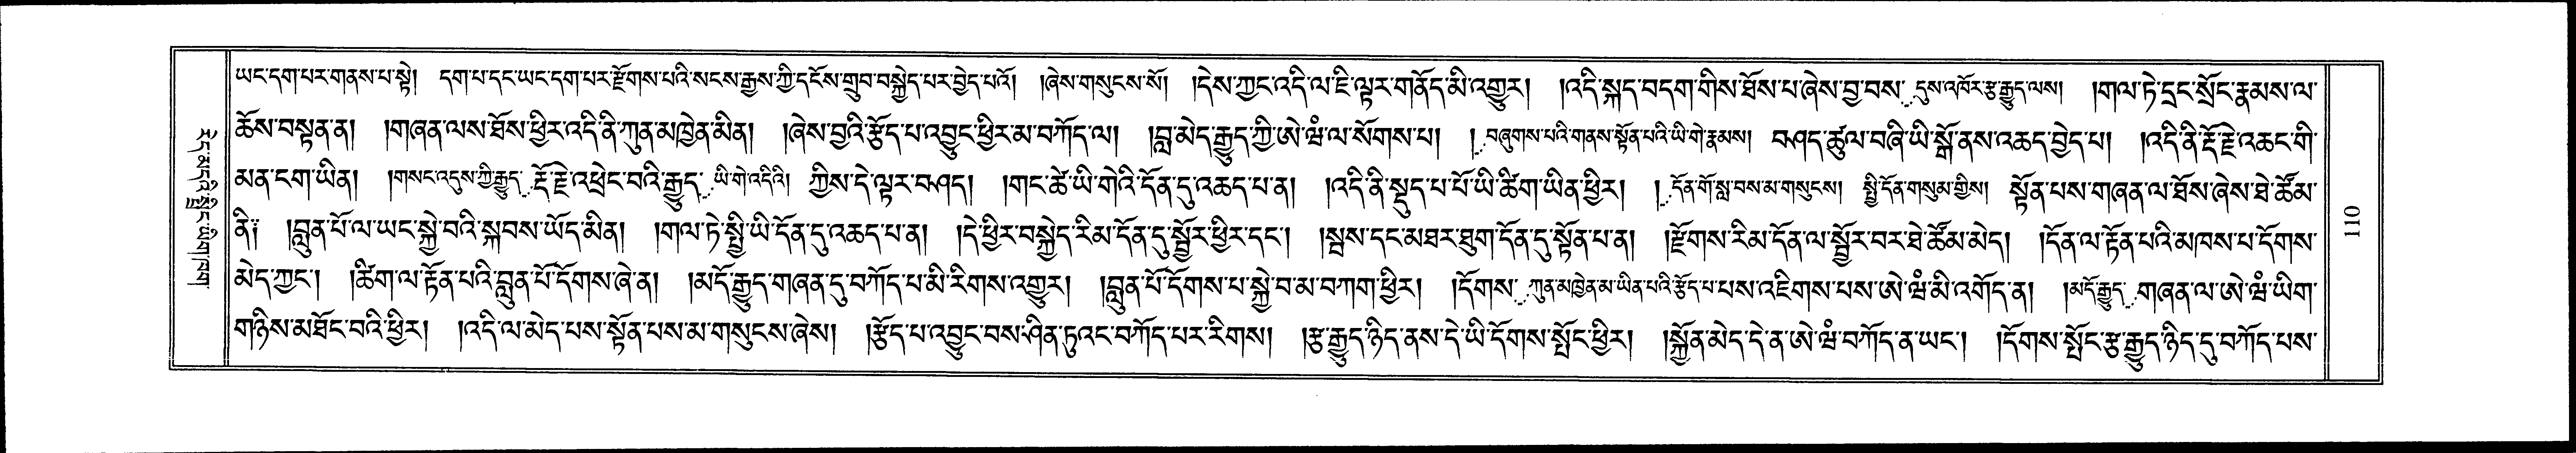ཡང་དག་པར་གནས་པ་སྟེ། དག་པ་དང་ཡང་དག་པར་རྫོགས་པའི་སངས་རྒྱས་ཀྱི་དངོས་གྲུབ་བསྐྱེད་པར་བྱེད་པའོ། །ཞེས་གསུངས་སོ། །དེས་ཀྱང་འདི་ལ་ཇི་ལྟར་གནོད་མི་འགྱུར། །འདི་སྐད་བདག་གིས་ཐོས་པ་ཞེས་བྱ་བས་དུས་འཁོར་རྩ་རྒྱུད་ལས། །གལ་ཏེ་དྲང་སྲོང་རྣམས་ལ་
ཆོས་བསྟན་ན། །གཞན་ལས་ཐོས་ཕྱིར་འདི་ནི་ཀུན་མཁྱེན་མིན། །ཞེས་བྱའི་རྩོད་པ་འབྱུང་ཕྱིར་མ་བཀོད་ལ། །བླ་མེད་རྒྱུད་ཀྱི་ཨེ་ཝཾ་ལ་སོགས་པ། །བཞུགས་པའི་གནས་སྟོན་པའི་ཡི་གེ་རྣམས། བཤད་ཚུལ་བཞི་ཡི་སྒོ་ནས་འཆད་བྱེད་པ། །འདི་ནི་རྡོ་རྗེ་འཆང་གི་
མན་ངག་ཡིན། །གསང་འདུས་ཀྱི་རྒྱུད་རྡོ་རྗེ་འཕྲེང་བའི་རྒྱུད་ཡི་གེ་འདིའི། ཀྱིས་དེ་ལྟར་བཤད། །གང་ཚེ་ཡི་གེའི་དོན་དུ་འཆད་པ་ན། །འདི་ནི་སྡུད་པ་པོ་ཡི་ཚིག་ཡིན་ཕྱིར། །དོན་གོ་སླ་བས་མ་གསུངས། སྤྱི་དོན་གསུམ་གྱིས། སྟོན་པས་གཞན་ལ་ཐོས་ཞེས་ཐེ་ཚོམ་
ནི། །བླུན་པོ་ལ་ཡང་སྐྱེ་བའི་སྐབས་ཡོད་མིན། །གལ་ཏེ་སྤྱི་ཡི་དོན་དུ་འཆད་པ་ན། །དེ་ཕྱིར་བསྐྱེད་རིམ་དོན་དུ་སྦྱོར་ཕྱིར་དང་། །སྦས་དང་མཐར་ཐུག་དོན་དུ་སྟོན་པ་ན། །རྫོགས་རིམ་དོན་ལ་སྦྱོར་བར་ཐེ་ཚོམ་མེད། །དོན་ལ་རྟོན་པའི་མཁས་པ་དོགས་
མེད་ཀྱང་། །ཚིག་ལ་རྟོན་པའི་བླུན་པོ་དོགས་ཞེ་ན། །མདོ་རྒྱུད་གཞན་དུ་བཀོད་པ་མི་རིགས་འགྱུར། །བླུན་པོ་དོགས་པ་སྐྱེ་བ་མ་བཀག་ཕྱིར། །དོགས་ཀུན་མཁྱེན་མ་ཡིན་པའི་རྩོད་པ་པས་འཇིགས་པས་ཨེ་ཝཾ་མི་འགོད་ན། །མདོ་རྒྱུད་གཞན་ལ་ཨེ་ཝཾ་ཡིག་
གཉིས་མཐོང་བའི་ཕྱིར། །འདི་ལ་མེད་པས་སྟོན་པས་མ་གསུངས་ཞེས། །རྩོད་པ་འབྱུང་བས་ཤིན་ཏུའང་བཀོད་པར་རིགས། །རྩ་རྒྱུད་ཉིད་ནས་དེ་ཡི་དོགས་སྤོང་ཕྱིར། །སྐྱོན་མེད་དེ་ན་ཨེ་ཝཾ་བཀོད་ན་ཡང་། །དོགས་སྤོང་རྩ་རྒྱུད་ཉིད་དུ་བཀོད་པས་